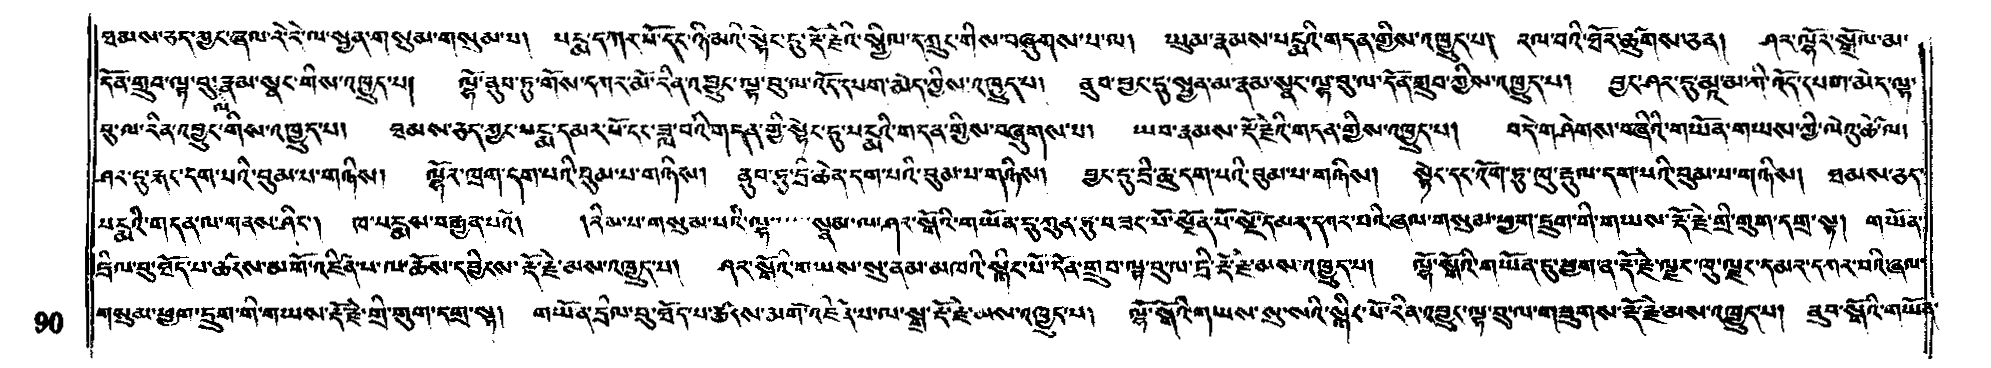ཐམས་ཅད་ཀྱང་ཞལ་རེ་རེ་ལ་སྤྱན་གསུམ་གསུམ་པ། པདམ་དཀར་པོ་དང་ཉི་མའི་སྟེང་དུ་རྡོ་རྗེའི་སྐྱིལ་དཀྲུང་གིས་བཞུགས་པ་ལ། ཡུམ་རྣམས་པདམའི་གདན་གྱིས་འཁྱུད་པ། རལ་བའི་ཐོར་ཚུགས་ཅན། ཤར་ལྷོར་སྒྲོལ་མ་
དོན་གྲུབ་ལྟ་བུ་ལ་རྣམ་སྣང་གིས་འཁྱུད་པ། ལྷོ་ནུབ་ཏུ་གོས་དཀར་མོ་རིན་འབྱུང་ལྟ་བུ་ལ་འོད་དཔག་མེད་ཀྱིས་འཁྱུད་པ། ནུབ་བྱང་དུ་སྤྱན་མ་རྣམ་སྣང་ལྟ་བུ་ལ་དོན་གྲུབ་ཀྱིས་འཁྱུད་པ། བྱང་ཤར་ཏུ་མཱ་མ་ཀི་འོད་དཔག་མེད་ལྟ་
བུ་ལ་རིན་འབྱུང་གིས་འཁྱུད་པ། ཐམས་ཅད་ཀྱང་པདམ་དམར་པོ་དང་ཟླ་བའི་གདན་གྱི་སྟེང་དུ་པདམའི་གདན་གྱིས་བཞུགས་པ། ཡབ་རྣམས་རྡོ་རྗེའི་གདན་གྱིས་འཁྱུད་པ། བདེ་གཤེགས་བཞིའི་གཡོན་གཡས་ཀྱི་ལེའུ་ཚེ་ལ།
ཤར་དུ་རྐང་དག་པའི་བུམ་པ་གཉིས། ལྷོར་ཁྲག་དག་པའི་བུམ་པ་གཉིས། ནུབ་ཏུ་དྲི་ཆེན་དག་པའི་བུམ་པ་གཉིས། བྱང་དུ་དྲི་ཆུ་དག་པའི་བུམ་པ་གཉིས། སྟེང་དང་འོག་ཏུ་ཁུ་རྡུལ་དག་པའི་བུམ་པ་གཉིས། ཐམས་ཅད་
པདམའི་གདན་ལ་གནས་ཤིང་། ཁ་པདམ་ས་བརྒྱན་པའོ། །རིམ་པ་གསུམ་པའི་ལྷ་སྣམ་ལ་ཤར་སྒོའི་གཡོན་དུ་ཀུན་ཏུ་བཟང་པོ་སྔོན་པོ་སྔོ་དམར་དཀར་བའི་ཞལ་གསུམ་ཕྱག་དྲུག་གི་གཡས་རྡོ་རྗེ་གྲི་གུག་དགྲ་སྟ། གཡོན་
དྲིལ་བུ་ཐོད་པ་ཚངས་མགོ་འཛིན་པ་ལ་ཆོས་དབྱིངས་རྡོ་རྗེ་མས་འཁྱུད་པ། ཤར་སྒོའི་གཡས་སུ་ནམ་མཁའི་སྙིང་པོ་དོན་གྲུབ་ལྟ་བུ་ལ་དྲི་རྡོ་རྗེ་མས་འཁྱུད་པ། ལྷོ་སྒོའི་གཡོན་དུ་ཕྱག་ན་རྡོ་རྗེ་ལྗང་ཁུ་ལྗང་དམར་དཀར་བའི་ཞལ་
གསུམ་ཕྱག་དྲུག་གི་གཡས་རྡོ་རྗེ་གྲི་གུག་དགྲ་སྟ། གཡོན་དྲིལ་བུ་ཐོད་པ་ཚངས་མགོ་འཛིན་པ་ལ་སྒྲ་རྡོ་རྗེ་མས་འཁྱུད་པ། ལྷོ་སྒོའི་གཡས་སུ་སའི་སྙིང་པོ་རིན་འབྱུང་ལྟ་བུ་ལ་གཟུགས་རྡོ་རྗེ་མས་འཁྱུད་པ། ནུབ་སྒོའི་གཡོན་